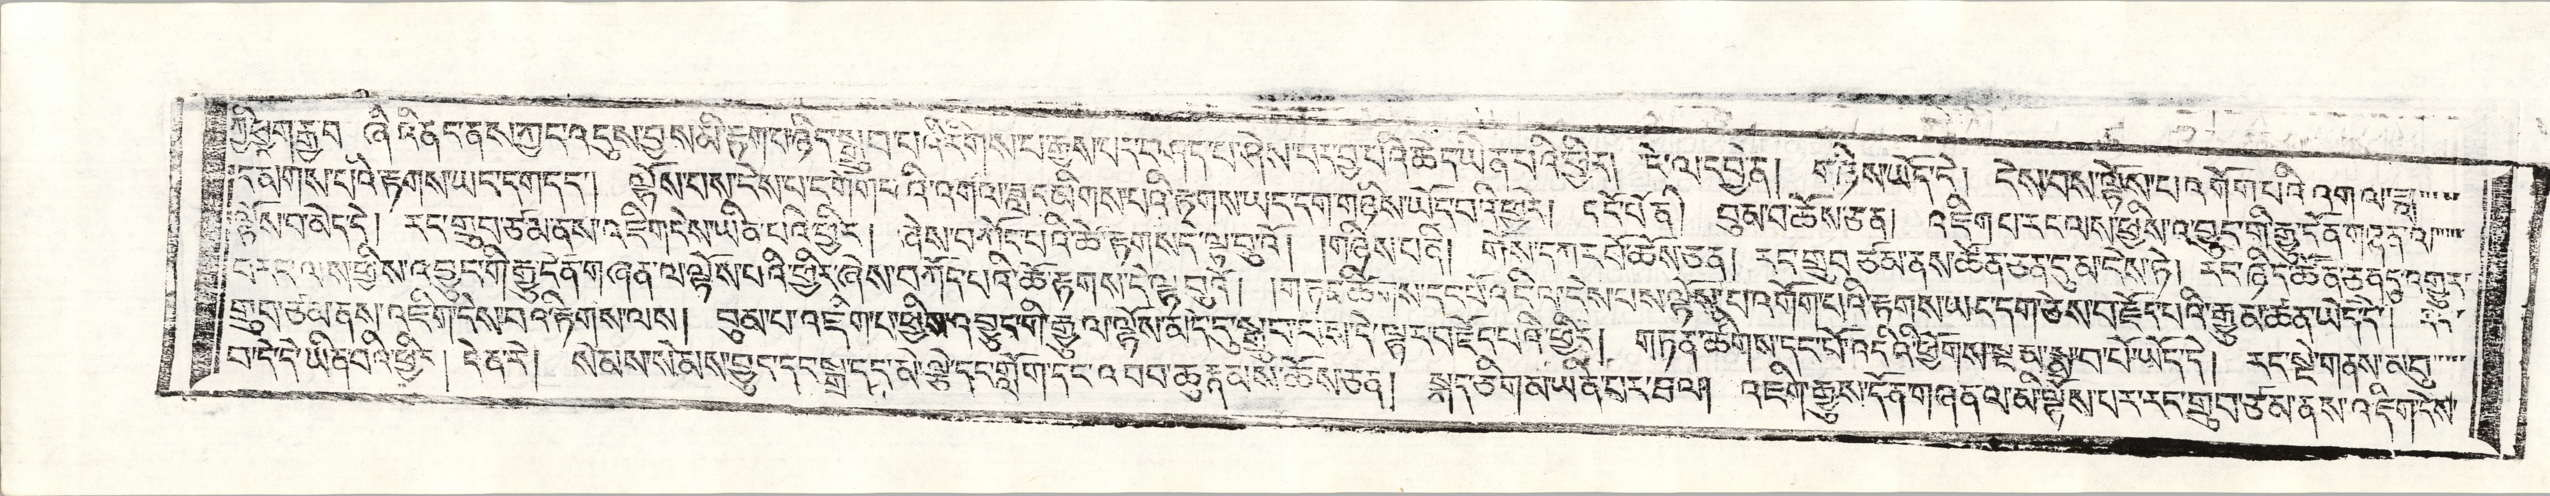ཀྱི་ཕྱག་རྒྱ་བཞིའི་ནང་ནས་ཀྱང་འདུས་བྱས་མི་རྟག་པ་ཉིད་སྒྲུབ་པའི་རིགས་པ་རྒྱས་པར་བཤད་པ་ཤེས་པར་བྱ་བའི་ཆེད་ཡིན་པའི་ཕྱིར། དེ་ལ་དབྱེ་ན། གཉིས་ཡོད་དེ། ངེས་པས་ལྟོས་པ་འགོག་པའི་འགལ་ཟླ་
དམིགས་པའི་རྟགས་ཡང་དག་དང་།ལྟོས་པས་ངེས་པ་དགོག་པའི་འགལ་ཟླ་དམིགས་པའི་རྟགས་ཡང་དག་གཉིས་ཡོད་པའི་ཕྱིར། དང་པོ་ནི། བུམ་པ་ཆོས་ཅན། འཇིག་པ་རང་ལས་ཕྱིས་འབྱུང་གི་རྒྱུ་དོན་གཞན་ལ་
ལྟོས་པ་མེད་དེ། རང་གྲུབ་ཙམ་ནས་འཇིག་ངེས་ཡིན་པའི་ཕྱིར། ཞེས་བཀོད་པའི་ཚེ་རྟགས་དེ་ལྟ་བུའོ། །གཉིས་པ་ནི། གོས་དཀར་པོ་ཆོས་ཅན། རང་གྲུབ་ཙམ་ནས་ཚོན་ཅན་དུ་མ་ངེས་ཏེ། རང་ཉིད་ཚོན་ཅན་དུ་འགྱུར་
བ་རང་ལས་ཕྱིས་འབྱུང་གི་རྒྱུ་དོན་གཞན་ལ་ལྟོས་པའི་ཕྱིར་ཞེས་བཀོད་པའི་ཚེ་རྟགས་དེ་ལྟ་བུའོ། །གཏན་ཚིགས་དང་པོ་འདི་ལ་ངེས་པས་ལྟོས་པ་འགོག་པའི་རྟགས་ཡང་དག་ཅེས་བརྗོད་པའི་རྒྱུ་མཚན་ཡོད་དེ། རང་
གྲུབ་ཙམ་ནས་འཇིག་ངེས་པའི་རྟགས་ལས། བུམ་པ་འཇིག་པ་ཕྱིས་འབྱུང་གི་རྒྱུ་ལ་ལྟོས་མེད་དུ་སྒྲུབ་པས་དེ་ལྟར་བརྗོད་པའི་ཕྱིར། གཏན་ཚིགས་དང་པོ་འདིའི་ཕྱོགས་སྔ་མ་སྨྲ་བ་བོ་ཡོད་དེ། རང་སྡེ་གནས་མ་བུ་
བ་དེ་དེ་ཡིན་པའི་ཕྱིར། དེ་ན་རེ། སེམས་སེམས་བྱུང་དང་སྒྲ་དང་མེ་ལྕེ་དང་གློག་དང་འབབ་ཆུ་རྣམས་ཆོས་ཅན། སྐད་ཅིག་མ་ཡིན་པར་ཐལ། འཇིག་རྒྱུས་དོན་གཞན་ལ་མི་ལྟོས་པར་རང་གྲུབ་ཙམ་ནས་འཇིག་ངེས་